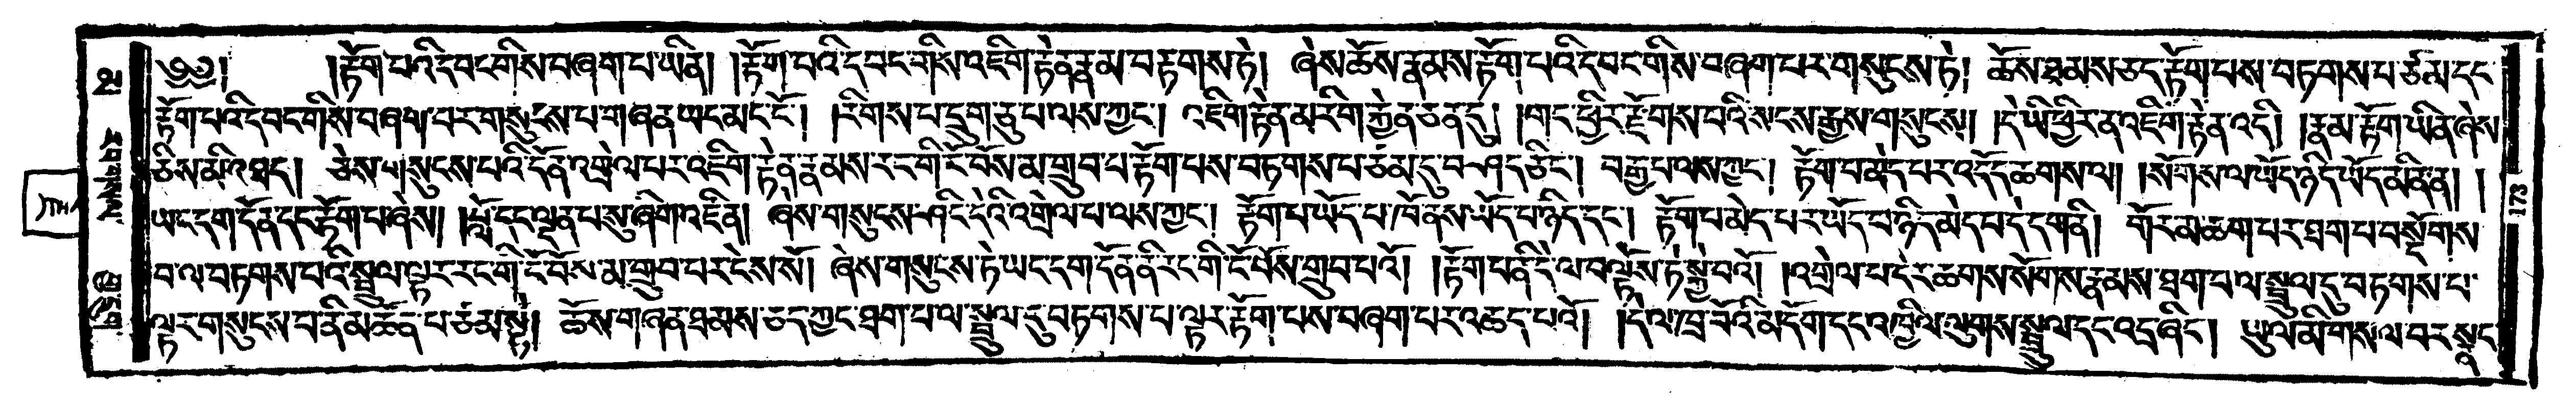༄༅། །རྟོག་པའི་དབང་གིས་བཞག་པ་ཡིན། །རྟོག་པའི་དབང་གིས་འཇིག་རྟེན་རྣམ་བརྟགས་ཏེ། ཞེས་ཆོས་རྣམས་རྟོག་པའི་དབང་གིས་བཞག་པར་གསུངས་ཏེ། ཆོས་ཐམས་ཅད་རྟོག་པས་བཏགས་པ་ཙམ་དང་
རྟོག་པའི་དབང་གིས་བཞག་པར་གསུངས་པ་གཞན་ཡང་མང་ངོ། །རིགས་པ་དྲུག་ཅུ་པ་ལས་ཀྱང་། འཇིག་རྟེན་མ་རིག་རྐྱེན་ཅན་དུ། །གང་ཕྱིར་རྫོགས་པའི་སངས་རྒྱས་གསུངས། །དེ་ཡི་ཕྱིར་ན་འཇིག་རྟེན་འདི། །རྣམ་རྟོག་ཡིན་ཞེས་
ཅིས་མི་འཐད། ཅེས་གསུངས་པའི་དོན་འགྲེལ་པར་འཇིག་རྟེན་རྣམས་རང་གི་ངོ་བོས་མ་གྲུབ་པ་རྟོག་པས་བཏགས་པ་ཙམ་དུ་བཤད་ཅིང་། བརྒྱ་པ་ལས་ཀྱང་། རྟོག་པ་མེད་པར་འདོད་ཆགས་ལ། །སོགས་ལ་ཡོད་ཉིད་ཡོད་མིན་ན།།
ཡང་དག་དོན་དང་རྟོག་པ་ཞེས། །བློ་དང་ལྡན་པ་སུ་ཞིག་འཛིན། ཞེས་གསུངས་ཤིང་དེའི་འགྲེལ་པ་ལས་ཀྱང་། རྟོག་པ་ཡོད་པ་ཁོ་ནས་ཡོད་པ་ཉིད་དང་། རྟོག་པ་མེད་པར་ཡོད་པ་ཉིད་མེད་པ་དེ་དག་ནི། གོར་མ་ཆག་པར་ཐག་པ་བསྡོགས་
པ་ལ་བཏགས་པའི་སྦྲུལ་ལྟར་རང་གི་ངོ་བོས་མ་གྲུབ་པར་ངེས་སོ། ཞེས་གསུངས་ཏེ་ཡང་དག་དོན་ནི་རང་གི་ངོ་བོས་གྲུབ་པའོ། །རྟོག་པ་ནི་དེ་ལ་བལྟོས་ཏེ་སྐྱེ་བའོ། །འགྲེལ་པ་དེར་ཆགས་སོགས་རྣམས་ཐག་པ་ལ་སྦྲུལ་དུ་བཏགས་པ་
ལྟར་གསུངས་པ་ནི་མཚོན་པ་ཙམ་སྟེ། ཆོས་གཞན་ཐམས་ཅད་ཀྱང་ཐག་པ་ལ་སྦྲུལ་དུ་བཏགས་པ་ལྟར་རྟོག་པས་བཞག་པར་འཆད་པའོ། །དེ་ལ་ཁྲ་བོའི་མདོག་དང་འཁྱིལ་ལུགས་སྦྲུལ་དང་འདྲ་ཞིང་། ཡུལ་མི་གསལ་བར་སྣང་